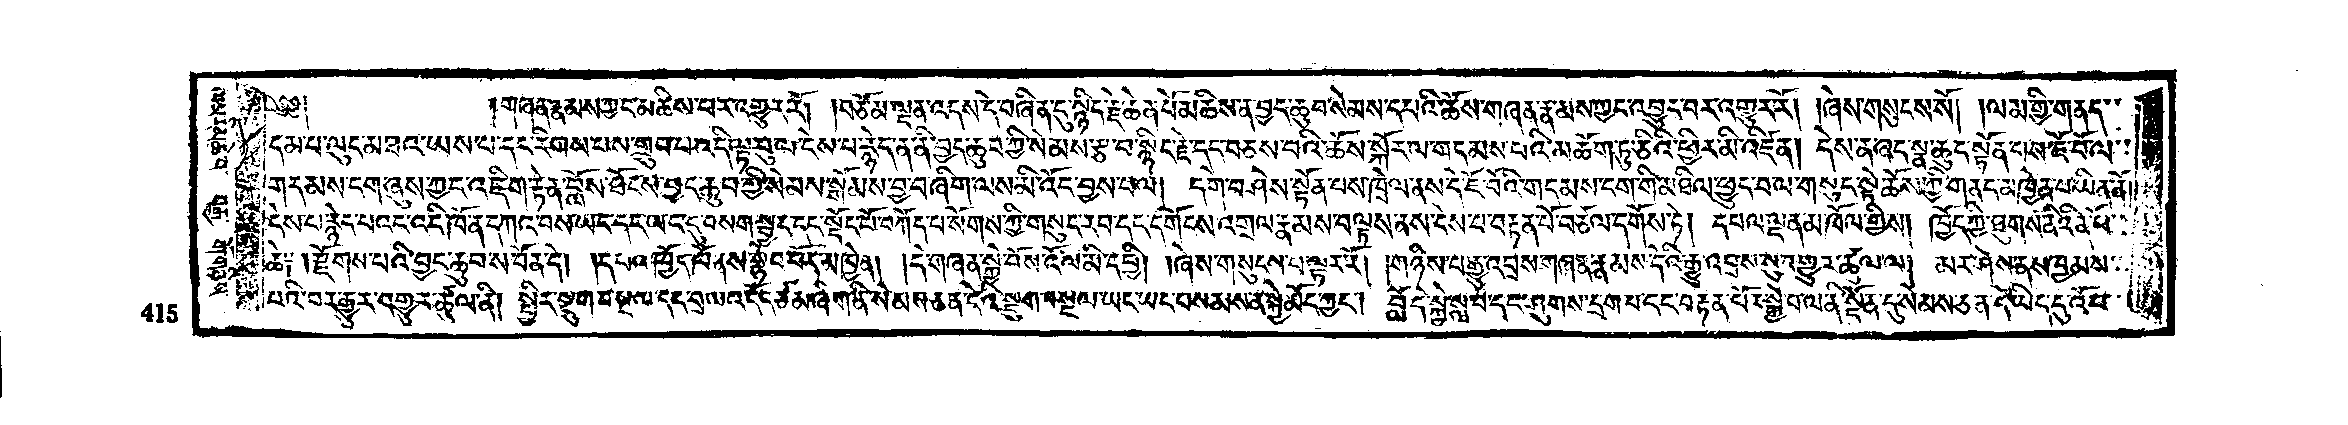༄༅། །གཞན་རྣམས་ཀྱང་མཆིས་པར་འགྱུར་རོ། །བཅོམ་ལྡན་འདས་དེ་བཞིན་དུ་སྙིང་རྗེ་ཆེན་པོ་མཆིས་ན་བྱང་ཆུབ་སེམས་དཔའི་ཆོས་གཞན་རྣམས་ཀྱང་འབྱུང་བར་འགྱུར་རོ། །ཞེས་གསུངས་སོ། །ལམ་གྱི་གནད་
དམ་པ་ལུང་མཐའ་ཡས་པ་དང་རིགས་པས་གྲུབ་པ་འདི་ལྟ་བུ་ལ་ངེས་པ་རྙེད་ན་ནི་བྱང་ཆུབ་ཀྱི་སེམས་རྩ་བ་སྙིང་རྗེ་དང་བཅས་པའི་ཆོས་སྐོར་ལ་གདམས་པའི་མཆོག་ཏུ་ཅིའི་ཕྱིར་མི་འཛིན། དེས་ན་ཞང་སྣ་ཆུང་སྟོན་པས་ཇོ་བོ་ལ་
གདམས་ངག་ཞུས་ཀྱང་འཇིག་རྟེན་བློས་ཐོངས་བྱང་ཆུབ་ཀྱི་སེམས་སྒོམས་བྱ་བ་ཞིག་ལས་མི་འོང་བྱས་པ་ལ། དགེ་བཤེས་སྟོན་པས་ཁྲེལ་ནས་དེ་ཇོ་བོའི་གདམས་ངག་གི་མཐིལ་ཕྱུང་བ་ལ་གསུང་སྟེ་ཆོས་ཀྱི་གནད་མཁྱེན་པ་ཡིན་ནོ། །
ངེས་པ་རྙེད་པའང་འདི་ཁོ་ན་དཀའ་བས་ཡང་དང་ཡང་དུ་བསག་སྦྱང་དང་སྡོང་པོ་བཀོད་པ་སོགས་ཀྱི་གསུང་རབ་དང་དགོངས་འགྲེལ་རྣམས་བལྟས་ནས་ངེས་པ་བརྟན་པོ་བཙལ་དགོས་ཏེ། དཔལ་ལྡན་མ་ཁོལ་གྱིས། ཁྱོད་ཀྱི་ཐུགས་ནི་རིན་པོ་
ཆེ༑ ༑རྫོགས་པའི་བྱང་ཆུབ་ས་བོན་དེ། །དཔའ་ཁྱོད་ཁོ་ནས་སྙིང་པོར་མཁྱེན། །དེ་གཞན་སྐྱེ་བོས་འོལ་མི་དབྱི། །ཞེས་གསུངས་པ་ལྟར་རོ། །གཉིས་པ་རྒྱུ་འབྲས་གཞན་རྣམས་དེའི་རྒྱུ་འབྲས་སུ་འགྱུར་ཚུལ་ལ། མར་ཤེས་ནས་བྱམས་
པའི་བར་རྒྱུར་འགྱུར་ཚུལ་ནི། སྤྱིར་སྡུག་བསྔལ་དང་བྲལ་འདོད་ཙམ་ཞིག་ནི་སེམས་ཅན་དེའི་སྡུག་བསྔལ་ཡང་ཡང་བསམས་ན་སྐྱེ་མོད་ཀྱང་། བློ་དེ་སྐྱེ་སླ་བ་དང་ཤུགས་དྲག་པ་དང་བརྟན་པོར་སྐྱེ་བ་ལ་ནི་སྔོན་དུ་སེམས་ཅན་དེ་ཡིད་དུ་འོང་